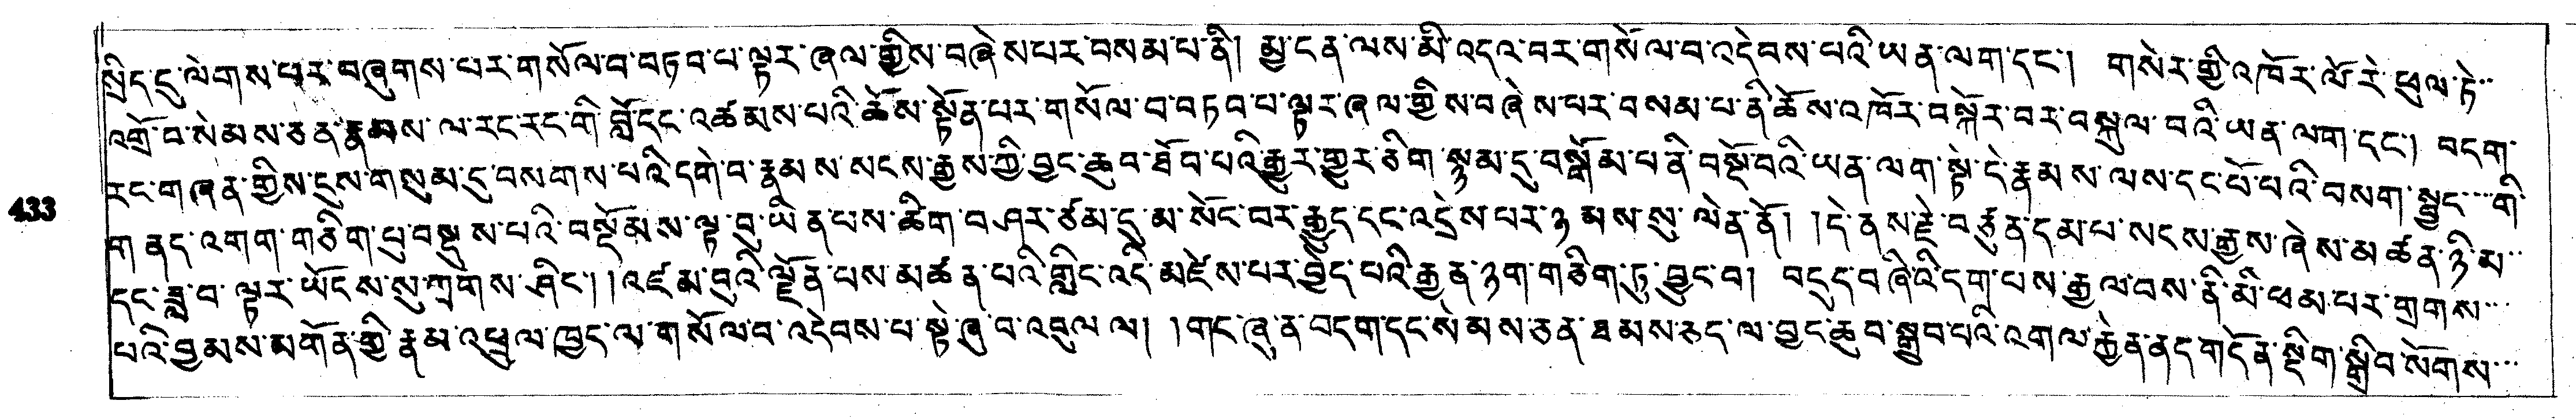སྲིད་དུ་ལེགས་པར་བཞུགས་པར་གསོལ་བ་བཏབ་པ་ལྟར་ཞལ་གྱིས་བཞེས་པར་བསམ་པ་ནི། མྱ་ངན་ལས་མི་འདའ་བར་གསོལ་བ་འདེབས་པའི་ཡན་ལག་དང་། གསེར་གྱི་འཁོར་ལོ་རེ་ཕུལ་ཏེ་
འགྲོ་བ་སེམས་ཅན་རྣམས་ལ་རང་རང་གི་བློ་དང་འཚམས་པའི་ཆོས་སྟོན་པར་གསོལ་བ་བཏབ་པ་ལྟར་ཞལ་གྱིས་བཞེས་པར་བསམ་པ་ནི་ཆོས་འཁོར་བསྐོར་བར་བསྐུལ་བའི་ཡན་ལག་དང་། བདག་
རང་གཞན་གྱིས་དུས་གསུམ་དུ་བསགས་པའི་དགེ་བ་རྣམས་སངས་རྒྱས་ཀྱི་བྱང་ཆུབ་ཐོབ་པའི་རྒྱུར་གྱུར་ཅིག་སྙམ་དུ་བསྒོམ་པ་ནི་བསྔོ་བའི་ཡན་ལག་སྟེ་དེ་རྣམས་ལས་དང་པོ་པའི་བསག་སྦྱང་གི་
གནད་འགག་གཅིག་པུ་བསྡུས་པའི་བསྡོམས་ལྟ་བུ་ཡིན་པས་ཚིག་བཤར་ཙམ་དུ་མ་སོང་བར་རྒྱུད་དང་འདྲེས་པར་ཉམས་སུ་ལེན་ནོ། །དེ་ནས་རྗེ་བཙུན་དམ་པ་སངས་རྒྱས་ཞེས་མཚན་ཉི་མ་
དང་ཟླ་བ་ལྟར་ཡོངས་སུ་ཀྲགས་ཤིང་། །འཛམ་བུའི་ལྗོན་པས་མཚན་པའི་གླིང་འདི་མཛེས་པར་བྱེད་པའི་རྒྱན་ཉག་གཅིག་ཏུ་བྱུང་བ། བདུད་བཞིའི་དག་པས་རྒྱལ་བས་ནི་མི་ཕམ་པར་གྲགས་
པའི་བྱམས་མགོན་གྱི་རྣམ་འཕྲུལ་ཁྱད་ལ་གསོལ་བ་འདེབས་པ་སྟེ་ཞུ་བ་འབུལ་ལ། །གང་ཞུ་ན་བདག་དང་སེམས་ཅན་ཐམས་ཅད་ལ་བྱང་ཆུབ་སྒྲུབ་པའི་འགལ་རྐྱེན་ནད་གདོན་སྡིག་སྒྲིབ་སོགས་